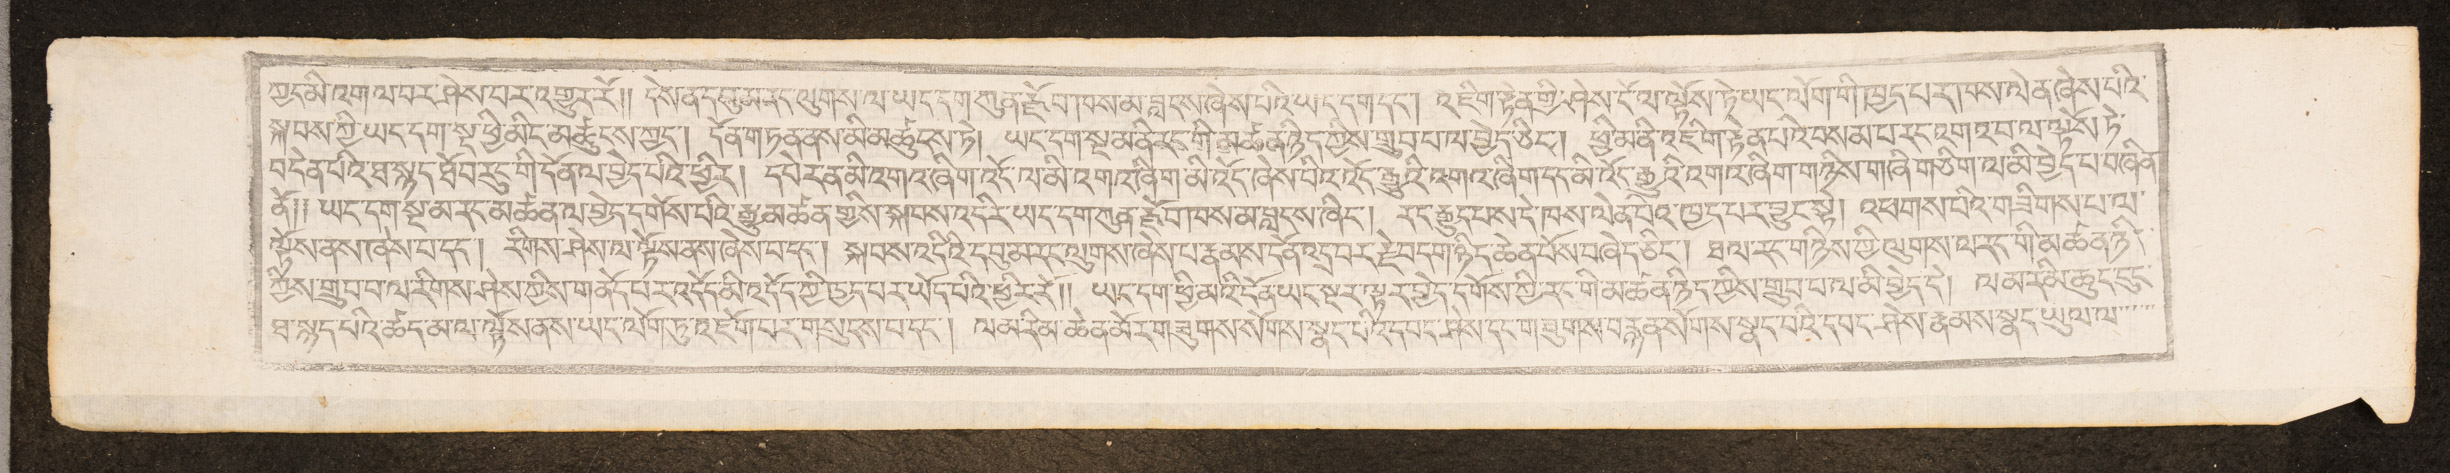ཀྱང་མི་འགལ་བར་ཤེས་པར་འགྱུར་རོ།། དེས་ན་དབུ་མ་རང་ལུགས་ལ་ཡང་དག་ཀུན་རྫོབ་ཁས་མ་བླངས་ཞེས་པའི་ཡང་དག་དང་། འཇིག་རྟེན་གྱི་ཤེས་ངོ་ལ་ལྟོས་ཏེ་ཡང་ལོག་གི་ཁྱད་པར་ཁས་ལེན་ཞེས་པའི་
སྐབས་ཀྱི་ཡང་དག་སྔ་ཕྱི་མིང་མཚུངས་ཀྱང་། དོན་གཏན་ནས་མི་མཚུངས་ཏེ། ཡང་དག་སྔ་མ་ནི་རང་གི་མཚན་ཉིད་ཀྱིས་གྲུབ་པ་ལ་བྱེད་ཅིང་། ཕྱི་མ་ནི་འཇིག་རྟེན་པའི་བསམ་པ་རང་འགའ་བ་ལ་ལྟོས་ཏེ་
བདེན་པའི་ཐ་སྙད་ཐོབ་རུང་གི་དོན་ལ་བྱེད་པའི་ཕྱིར། དཔེར་ན་མི་འགའ་ཞིག་འོང་ལ་མི་འགའ་ཞིག་མི་འོད་ཞེས་པའི་འོང་རྒྱུའི་འགའ་ཞིག་དང་མི་འོང་རྒྱུའི་འགའ་ཞིག་གཉིས་གཞི་གཅིག་ལ་མི་བྱེད་པ་བཞིན་
ནོ།། ཡང་དག་སྔ་མ་རང་མཚན་ལ་བྱེད་དགོས་པའི་རྒྱུ་མཚན་གྱིས་སྐབས་འདིར་ཡང་དག་ཀུན་རྫོབ་ཁས་མ་བླངས་ཞིང་། རང་རྒྱུད་པས་དེ་ཁས་ལེན་པའི་ཁྱད་པར་བྱུང་སྟེ། འཕགས་པའི་གཟིགས་པ་ལ་
ལྟོས་ནས་ཞེས་པ་དང་། རིགས་ཤེས་ལ་ལྟོས་ནས་ཞེས་པ་དང་། སྐབས་འདིའི་དབུ་མར་རང་ལུགས་ཞེས་པ་རྣམས་དོན་འདྲ་བར་རྗེ་བདག་ཉིང་ཆེན་པོས་བཞེད་ཅིང་། ཐལ་རང་གཉིས་ཀྱི་ལུགས་ལ་རང་གི་མཚན་ཉིད་
ཀྱིས་གྲུབ་པ་ལ་རིགས་ཤེས་ཀྱིས་ངོད་པར་འདོད་མི་འདོད་ཀྱི་ཁྱད་པར་ཡོད་པའི་ཕྱིར་རོ།། ཡང་དག་ཕྱི་མའི་དོན་ཡང་སྔར་ལྟར་བྱེད་དགོས་ཀྱི་རང་གི་མཚན་ཉིད་ཀྱིས་གྲུབ་པ་ལ་མི་བྱེད་དེ། ལམ་རིམ་ཆུང་ངུར་
ཐ་སྙད་པའི་ཚད་མ་ལ་ལྟོས་ནས་ཡང་ལོག་ཏུ་འཇོག་པར་གསུངས་པ་དང་། ལམ་རིན་ཆེན་མོར་གཟུགས་སོགས་སྣང་བའི་དབང་ཤེས་དང་གཟུགས་བརྙན་སོགས་སྣང་བའི་དབང་ཤེས་རྣམས་སྣང་ཡུལ་ལ་